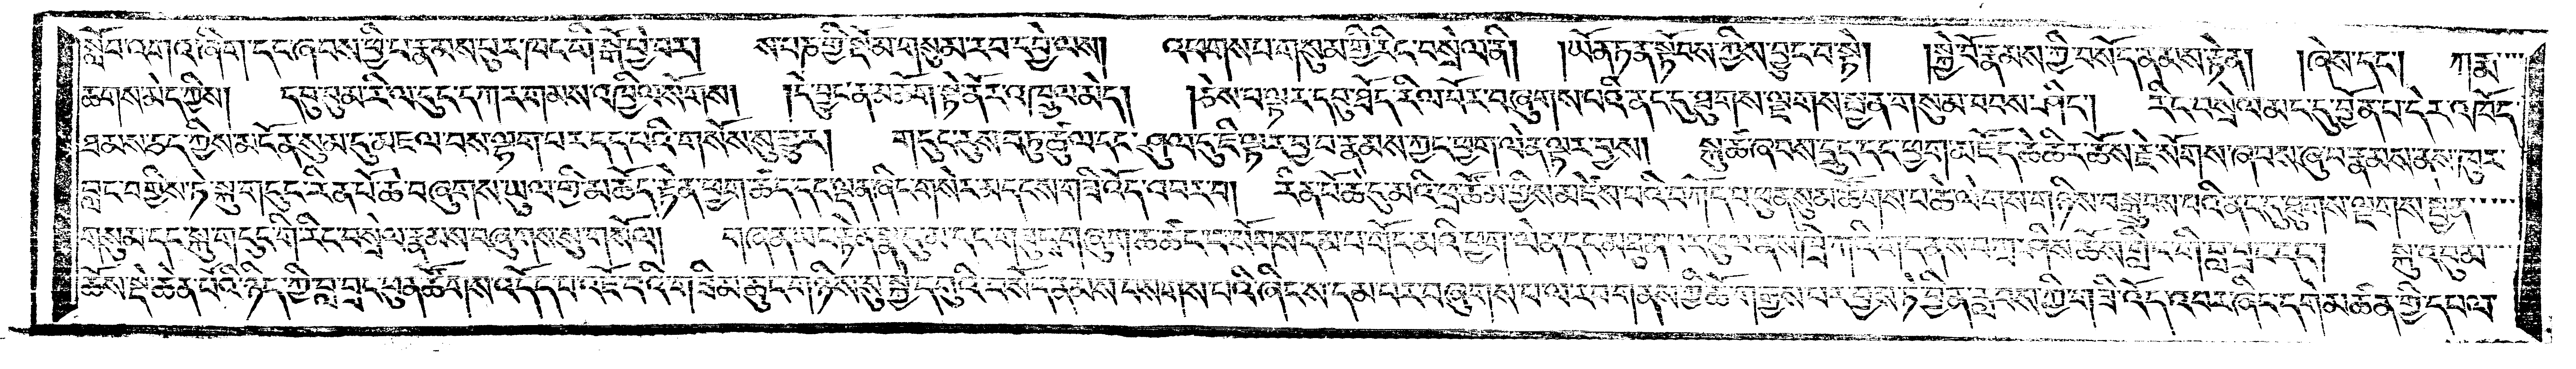སློབ་འགའ་ཞིག་དང་ཞབས་ཕྱི་པ་རྣམས་པུར་ཁང་གི་སྒོ་ཕྱེ་བར། ས་པཎ་གྱི་སྡོམ་གསུམ་རབ་དབྱེ་ལས། འཕགས་པ་གསུམ་གྱི་རིང་བསྲེལ་ནི། །ཡོན་ཏན་སྟོབས་ཀྱིས་བྱུང་བ་སྟེ། །སྐྱེ་བོ་རྣམས་ཀྱི་བསོད་ནམས་རྟེན། །ཞེས་དང་། ཀརྨ་
ཆགས་མེད་ཀྱིས། དབུ་བུམ་རི་ལ་ངུང་དཀར་གམས་འཁྱིལ་སོགས། །དེ་བྱུང་ན་མཆོག་སྟེ་ནོར་འཁྲུལ་མེད། །ཅེས་པ་ལྟར་དབུ་ཐོད་རིལ་པོར་བཞུགས་པའི་ནང་དུ་ཐུགས་ལྗགས་སྤྱན་གསུམ་བབས་ཤིང་། རིང་བསྲེལ་མང་དུ་བྱོན་པ་དེར་འཁོད་
ཐམས་ཅད་ཀྱིས་མངོན་སུམ་དུ་མཇལ་བས་ལྷག་པར་དད་པའི་གསོས་སུ་གྱུར། གདུང་རུས་བཏུ་ཚུལ་དང་ཤུལ་དུ་ཇི་ལྟར་བྱ་བ་རྣམས་ཀྱང་ཕྱག་ལེན་ལྟར་བྱས། སྐུ་ཚ་ཞབས་དྲུང་དང་ཕྱག་མཛོད་ཆེ་ཆིར་ཆོས་རྗེ་སོགས་ཞབས་ཞུབ་རྣམས་ནས་ཁུར་
བླང་བགྱིས་ཏེ་སྐུ་གདུང་རིན་པོ་ཆེ་བཞུགས་ཡུལ་གྱི་མཆོད་རྟེན་ཕྱག་ཚད་དང་ལྡན་ཞིང་གསེར་མདངས་གཟི་འོད་འབར་བ། རིན་པོ་ཆེ་དུ་མའི་ཕྲ་ཚོམ་གྱིས་མཛེས་པའི་བཀོད་པ་ཕུན་སུམ་ཚོགས་བ་ཆེ་ལེགས་གཉིས་བསྒྲུབས་པའི་ནང་དུ་ཐུགས་ལྗགས་སྤྱན་
གསུམ་དང་སྐུ་གདུང་གི་རིང་བསྲེལ་རྣམས་བཞུགས་སུ་གསོལ། གཞན་ཡང་རྟེན་སྣ་དུ་མ་དང་གཟུངས་གཞུག་ཆ་ཚང་བ་སོགས་དམ་པ་གོང་མའི་ཕྱག་ལེན་དང་མཐུན་པར་ཕུལ་ནས་ཁྲི་ཀའི་གདན་ས་བཀྲ་ཤིས་ཆོས་གླིང་གི་བླ་བྲང་དང་། སྐུ་འབུམ་
ཆོས་སྡེ་ཆེན་པོའི་ཉིད་ཀྱི་བླ་བྲང་ཕུན་ཚོགས་འདོད་པ་འཇོ་བའི་གཟིམ་ཆུང་གཉིས་སུ་སྐྱེ་དབུའི་བསོད་ནམས་བསགས་པའི་ཞིང་ས་དམ་པར་བཞུགས་པ་ལ་རབ་གནས་ཀྱི་ཆོ་ག་རྒྱས་པར་བྱས་ཏེ་བྱིན་རླབས་ཀྱི་གཟི་འོད་འབར་ཞིང་དགེ་མཚན་གྱི་དཔལ་